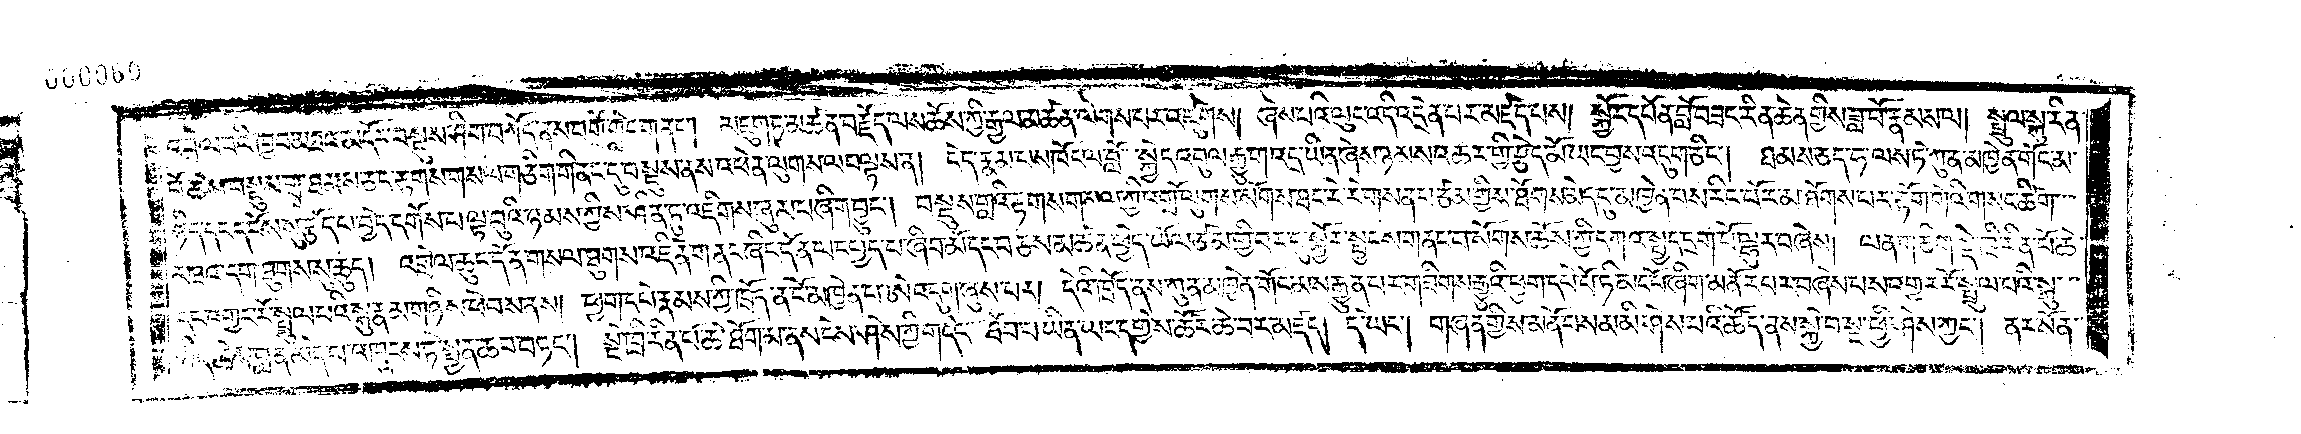འབྲེལ་བའི་ཁྱབ་མཐའ་མདོར་བསྡུས་ཤིག་བཀོད་ནས་བགྲོ་གླེང་གནང་། མཇུག་ཏུ་མཚན་བརྗོད་ལས་ཆོས་ཀྱི་རྒྱལ་མཚན་ལེགས་པར་འཛུགས། ཞེས་པའི་ལུང་འདི་འདྲེན་པར་མཛད་པས། སྐྱོར་དཔོན་བློ་བཟང་རིན་ཆེན་གྱིས་ཟླ་བོ་རྣམས་ལ། སྤྲུལ་སྐུ་རིན་
པོ་ཆེས་བསྡུས་གྲྭ་ཐམས་ཅད་རྟགས་གསལ་གཅིག་གི་ནང་དུ་བསྡུས་ནས་འཕེན་ལུགས་ལ་བལྟས་ན། ངེད་རྣམ་པས་ཁོང་ལ་བློ་སྐྱེད་འབུལ་རྒྱུ་ག་འདྲ་ཡིན་ཞེས་ཉམས་འཆར་གྱི་རྩེད་མོ་ཡང་བྱས་འདུག་ཅིང་། ཐམས་ཅད་ཧ་ལས་ཏེ་ཀུན་མཁྱེན་གོང་མ་
ཉིད་དང་དངོས་སུ་རྩོད་པ་བྱེད་དགོས་པ་ལྟ་བུའི་ཉམས་ཀྱིས་ཤིན་ཏུ་འཇིགས་ཞུམ་པ་ཞིག་བྱུང་། བསྡུས་གྲྭའི་རྟགས་གསལ་གྱི་འགྲོ་ལུགས་སོགས་ཐང་རེ་རེ་གསན་པ་ཙམ་གྱིས་ཐོགས་མེད་དུ་མཁྱེན་པས་རིང་པོར་མ་ཐོགས་པར་རྟོག་གེའི་གསང་ཚིག་
མཐའ་དག་ཐུགས་སུ་ཆུད། འགྲེལ་ཆུང་དོན་གསལ་ཐུགས་འཛིན་གནང་ཞིང་དོན་ལ་དཔྱད་པ་ཞིབ་མོ་དང་བཅས་མཚན་ཕྱེད་ཡོལ་ཙམ་གྱི་བར་དུ་སྐྱོར་སྦྱངས་གནང་བ་སོགས་ཆོས་ཀྱི་དཀའ་སྤྱད་དྲག་པོ་ལྷུར་བཞེས། ལན་གཅིག་སྔེ་ཁྲི་རིན་པོ་ཆེ་
དང་འགྱང་རོ་སྤྲུལ་བའི་སྐུ་རྣམ་གཉིས་ཕེབས་ནས། ཕྱག་དཔེ་རྣམས་ཀྱི་ཁྲོད་ན་ངོ་མཁྱེན་པ་ཨེ་འདུག་ཞུས་པར། དེའི་ཁྲོད་ནས་ཀུན་མཁྱེན་གོང་མས་རྒྱུན་པར་གཟིགས་རྒྱུའི་ཕྱག་དཔེ་པོ་ཏི་མང་པོ་ཞིག་མ་ནོར་པར་བཞེས་པས་འགྱང་རོ་སྤྲུལ་པའི་སྐུ་
ཡིད་ཆེས་བླ་ན་མེད་པ་འཁྲུངས་ཏེ་སྤྱན་ཆབ་བཏང་། སྡེ་ཁྲི་རིན་པོ་ཆེ་ཐོག་མ་ནས་ངེས་ཤེས་ཀྱི་གདེང་ཐོབ་པ་ཡིན་ཡང་དགྱེས་ཚོར་ཆེ་བར་མཛད། དེ་ཡང་། གཞན་གྱིས་མནོ་བསམ་མི་ཤེས་པའི་ཚོད་ནས་སྐྱེ་བ་སྔ་ཕྱི་ཤེས་ཀྱང་། ནར་སོན་